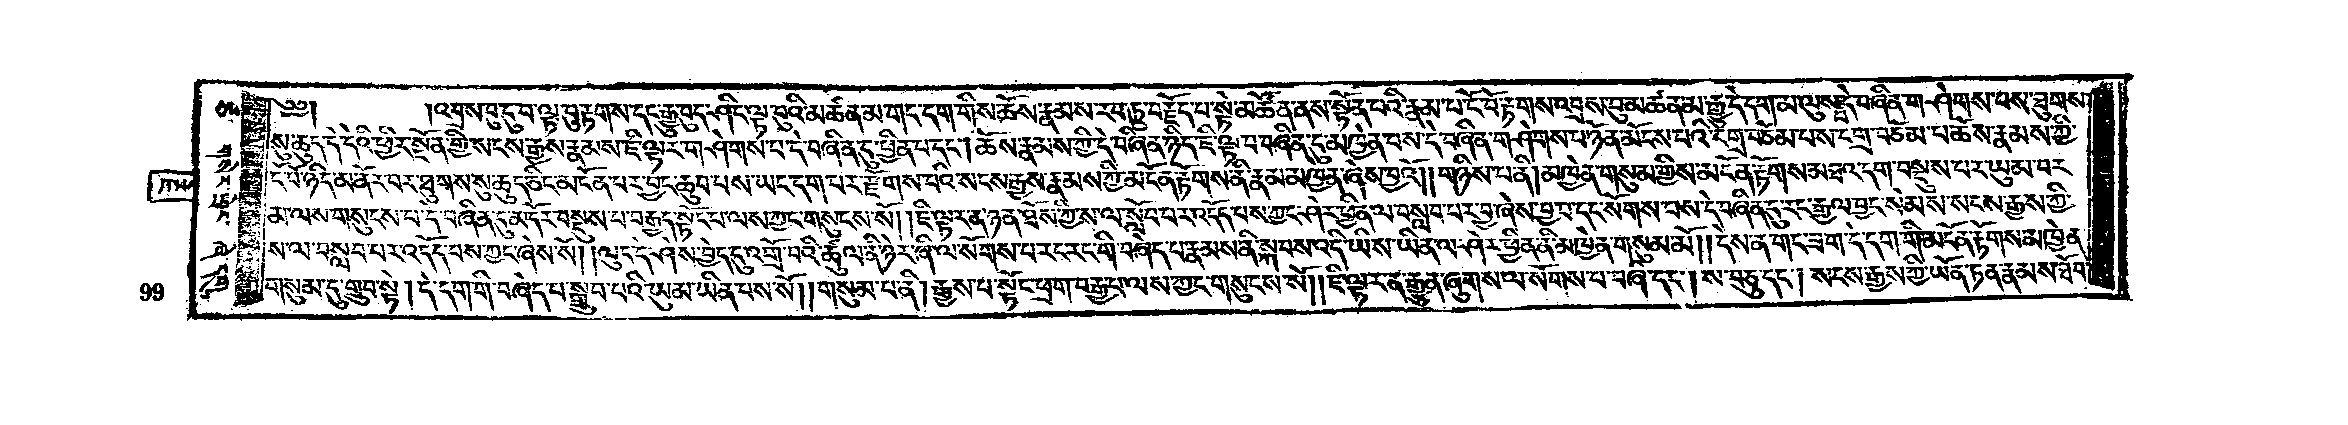༄༅། །འབྲས་བུ་དུ་བ་ལྟ་བུ་རྟགས་དང་རྒྱུ་བུད་ཤིང་ལྟ་བུའི་མཚན་མ་གང་དག་གིས་ཆོས་རྣམས་རབ་ཏུ་བརྗོད་པ་སྟེ་མཚོན་ནས་སྟོན་པའི་རྣམ་པ་ངོ་བོ་རྟགས་འབྲས་བུ་མཚན་མ་རྒྱུ་དེ་དག་མ་ལུས་པ་དེ་བཞིན་གཤེགས་པས་ཐུགས་
སུ་ཆུད་དེ་དེའི་ཕྱིར་སྔོན་གྱི་སངས་རྒྱས་རྣམས་ཇི་ལྟར་གཤེགས་པ་དེ་བཞིན་དུ་ཕྱིན་པ་དང་། ཆོས་རྣམས་ཀྱི་དེ་བཞིན་ཉིད་ཇི་ལྟ་བ་བཞིན་དུ་མཁྱེན་པས་དེ་བཞིན་གཤེགས་པ་ཉོན་མངོན་པའི་དགྲ་བཅོམ་པས་དགྲ་བཅོམ་པ་ཆོས་རྣམས་ཀྱི་
ངོ་བོ་ཉིད་མ་ནོར་བར་ཐུགས་སུ་ཆུད་ཅིང་མངོན་པར་བྱང་ཆུབ་པས་ཡང་དག་པར་རྫོགས་པའི་སངས་རྒྱས་རྣམས་ཀྱི་མངོན་རྟོགས་ནི་རྣམ་མཁྱེན་ཞེས་བྱའོ། །གཉིས་པ་ནི། མཁྱེན་གསུམ་གྱིས་མངོན་རྟོགས་མཐའ་དག་བསྡུས་པར་ཡུམ་བར་
མ་ལས་གསུངས་པ་དེ་བཞིན་དུ་མདོར་བསྡུས་པ་བརྒྱད་སྟོང་པ་ལས་ཀྱང་གསུངས་སོ། །ཇི་ལྟར་ན་ཉན་ཐོས་ཀྱི་ས་ལ་སློབ་པར་འདོད་པས་ཀྱང་ཤེར་ཕྱིན་ལ་བསླབ་པར་བྱ་ཞེས་བྱ་བ་དང་སོགས་པས་དེ་བཞིན་དུ་རང་རྒྱལ་བྱང་སེམས་སངས་རྒྱས་ཀྱི་
ས་ལ་བསླབ་པར་འདོད་པས་ཀྱང་ཞེས་སོ། །ལུང་དེ་ཤེས་བྱེད་དུ་འགྲོ་བའི་ཚུལ་ནི་ཉེར་ཞི་ལ་སོགས་པ་རང་རང་གི་བཞེད་པ་རྣམས་ནི་སྐབས་འདི་ཡིས་ཡིན་ལ་ཤེར་ཕྱིན་ནི་མཁྱེན་གསུམ་མོ། །དེས་ན་གང་ཟག་དེ་དག་གི་མངོན་རྟོགས་མཁྱེན་
གསུམ་དུ་གྲུབ་སྟེ། དེ་དག་གི་བཞེད་པ་སྒྲུབ་པའི་ཡུམ་ཡིན་པས་སོ། །གསུམ་པ་ནི། རྒྱས་པ་སྟོང་ཕྲག་བརྒྱ་པ་ལས་ཀྱང་གསུངས་སོ། །ཇི་ལྟར་ན་རྒྱུན་ཞུགས་ལ་སོགས་པ་བཞི་དང་། ས་བཅུ་དང་། སངས་རྒྱས་ཀྱི་ཡོན་ཏན་རྣམས་ཐོབ་